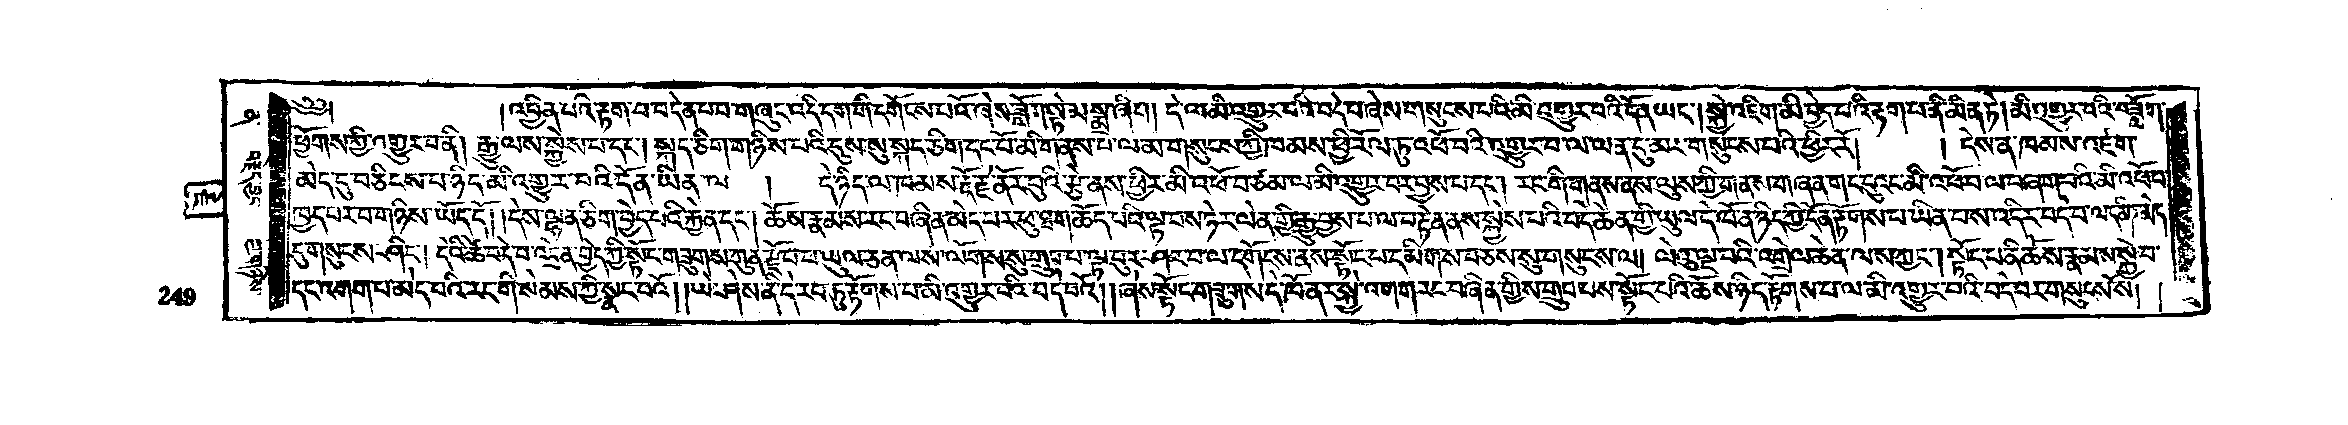༄༅། །འབྱིན་པའི་རྟག་པ་བདེན་པ་བ་གཞུང་འདི་དག་གི་དགོངས་པའོ་ཞེས་ཟློག་སྟེ་མ་སྨྲ་ཞིག །དེ་ལ་མི་འགྱུར་བའི་བདེ་བ་ཞེས་གསུངས་པའི་མི་འགྱུར་བའི་དོན་ཡང་། སྐྱེ་འཇིག་མི་བྱེད་པའི་རྟག་པ་ནི་མིན་ཏེ། མི་འགྱུར་བའི་བཟློག་
ཕྱོགས་ཀྱི་འགྱུར་བ་ནི། རྒྱུ་ལས་སྐྱེས་པ་དང་། སྐད་ཅིག་གཉིས་པའི་དུས་སུ་སྐད་ཅིག་དང་པོ་མི་གནས་པ་ལ་མ་གསུངས་ཀྱི་ཁམས་ཕྱི་རོལ་ཏུ་འཕོ་བའི་འགྱུར་བ་ལ་ལན་དུ་མར་གསུངས་པའི་ཕྱིར་རོ། །དེས་ན་ཁམས་འཛག་
མེད་དུ་བཅིངས་པ་ཉིད་མི་འགྱུར་བའི་དོན་ཡིན་ལ། དེ་ཉིད་ལ་ཁམས་རྡོ་རྗེ་ནོར་བུའི་རྩེ་ནས་ཕྱིར་མི་འཕོ་བ་ཙམ་ལ་མི་འགྱུར་བར་བྱས་པ་དང་། རང་གི་གནས་ནས་ལུས་ཀྱི་གནས་གཞན་གང་དུའང་མི་འཕོ་བ་ལ་བཞག་པའི་མི་འཕོ་བ་
ཁྱད་པར་བ་གཉིས་ཡོད་དོ། །དེས་ལྷན་ཅིག་བྱེད་པའི་རྐྱེན་དང་། ཆོས་རྣམས་རང་བཞིན་མེད་པར་ཕུ་ཐག་ཆོད་པའི་ལྟ་བས་ཉེར་ལེན་གྱི་རྒྱུ་བྱས་པ་ལ་བརྟེན་ནས་སྐྱེས་པའི་བདེ་ཆེན་གྱི་ཡུལ་དེ་ཁོ་ན་ཉིད་ཀྱི་དོན་རྟོགས་པ་ཡིན་པས་འདིར་བདེ་བ་ལ་དམིགས་མེད་
དུ་གསུངས་ཤིང་། དེའི་ཚེ་བདེ་བ་འདྲེན་བྱེད་ཀྱི་སྟོང་གཟུགས་ཀུན་རྫོབ་པ་ཡུལ་ཅན་ལས་ལོགས་སུ་གྲུབ་པ་ལྟ་བུར་ཤར་བ་ལ་དགོངས་ནས་སྟོང་པ་དམིགས་བཅས་སུ་གསུངས་ལ། ལེའུ་ལྔ་པའི་འགྲེལ་ཆེན་ལས་ཀྱང་། སྟོང་པ་ནི་ཆོས་རྣམས་སྐྱེ་བ་
དང་འགག་པ་མེད་པའི་རང་གི་སེམས་ཀྱི་སྣང་བའོ། །ཡེ་ཤེས་ནི་དེ་རབ་ཏུ་རྟོགས་པ་མི་འགྱུར་བའི་བདེ་བའོ། །ཞེས་སྟོང་གཟུགས་དེ་ཁོ་ནར་སྐྱེ་འགག་རང་བཞིན་གྱིས་གྲུབ་པས་སྟོང་པའི་ཆོས་ཉིད་རྟོགས་པ་ལ་མི་འགྱུར་པའི་བདེ་བར་གསུངས་སོ། །